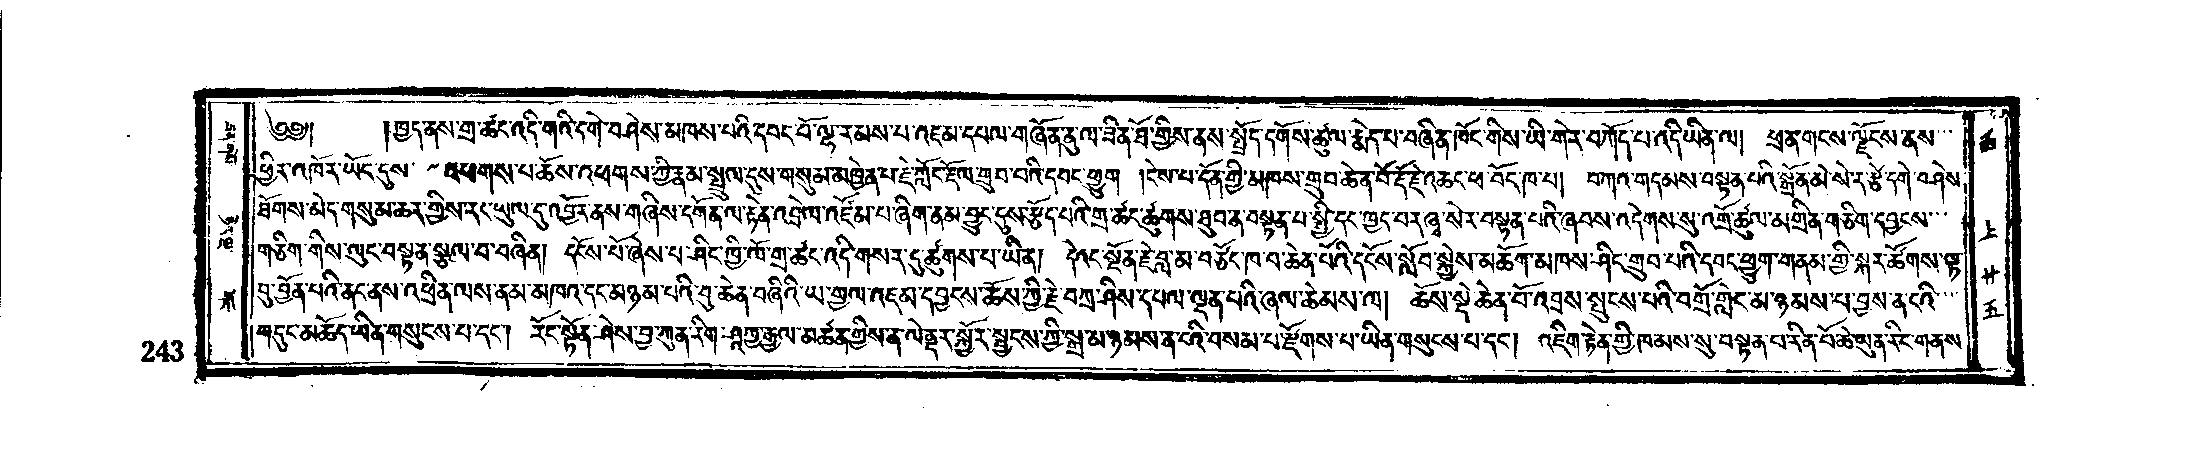༄༅། །ཁྱད་ནས་གྲ་ཚང་འདི་གའི་དགེ་བཤེས་མཁས་པའི་དབང་པོ་ལྷ་རམས་པ་འཇམ་དཔལ་གཞོན་ནུ་ལ་ཟིན་ཐོ་གྱིས་ནས་སྤྲོད་དགོས་ཚུལ་རྨེད་པ་བཞིན་ཁོང་གིས་ཡི་གེར་བཀོད་པ་འདི་ཡིན་ལ། ཕྲན་གངས་ལྗོངས་ནས་
ཕྱིར་འཁོར་ཡོང་དུས ༧་འཕགས་པ་ཆོས་འཕགས་ཀྱི་རྣམ་སྤྲུལ་དུས་གསུམ་མཁྱེན་པ་རྗེ་ཀློང་རྡོལ་གྲུབ་པའི་དབང་ཕྱུག །ངེས་པ་དོན་གྱི་མཁས་གྲུབ་ཆེན་པོ་རྡོ་རྗེ་འཆང་ཕ་བོང་ཁ་པ། བཀའ་གདམས་བསྟན་པའི་སྒྲོན་མེ་སེ་ར་རྩེ་དགེ་བཤེས་
ཐོགས་མེད་གསུམ་ཆར་གྱིས་རང་ཡུལ་དུ་འབྱོར་ནས་གཞིས་དགོན་ལ་རྟེན་འབྲེལ་འཛོམ་པ་ཞིག་ནམ་བྱུང་དུས་རྩོད་པའི་གྲ་ཚང་ཚུགས་ཐུབ་ན་བསྟན་པ་སྤྱི་དང་ཁྱད་པར་ཞྭ་སེར་བསྟན་པའི་ཞབས་འདེགས་སུ་འགྲོ་ཚུལ་མགྲིན་གཅིག་དབྱངས་
གཅིག་གིས་ལུང་བསྟན་སྩལ་བ་བཞིན། དངོས་པོ་ཞེས་པ་ཤིང་ཁྱི་ལོ་གྲ་ཚང་འདི་གསར་དུ་ཚུགས་པ་ཡིན། དེའང་སྔོན་རྗེ་བླ་མ་བཙོང་ཁ་པ་ཆེན་པོའི་དངོས་སློབ་སྐྱེས་མཆོག་མཁས་ཤིང་གྲུབ་པའི་དབང་ཕྱུག་གནམ་གྱི་སྐར་ཚོགས་ལྟ་
བུ་བྱོན་པའི་ནང་ནས་འཕྲིན་ལས་ནམ་མཁའ་དང་མཉམ་པའི་བུ་ཆེན་བཞིའི་ཡ་གྱལ་འཇམ་དབྱངས་ཆོས་ཀྱི་རྗེ་བཀྲ་ཤིས་དཔལ་ལྡན་པའི་ཞལ་ཆེམས་ལ། ཆོས་སྡེ་ཆེན་པོ་འབྲས་སྤུངས་པའི་བགྲོ་གླེང་མ་ཉམས་པ་བྱས་ན་ངའི་
གདུང་མཆོད་ཡིན་གསུངས་པ་དང་། རོང་སྟོན་ཤེས་བྱ་ཀུན་རིག་ཤཱཀྱ་རྒྱལ་མཚན་གྱིས་ན་ལེནྡར་སྐྱོར་སྦྱངས་ཀྱི་སྒྲ་མ་ཉམས་ན་ངའི་བསམ་པ་རྫོགས་པ་ཡིན་གསུངས་པ་དང་། འཇིག་རྟེན་གྱི་ཁམས་སུ་བསྟན་པ་རིན་པོ་ཆེ་ཡུན་རིང་གནས་